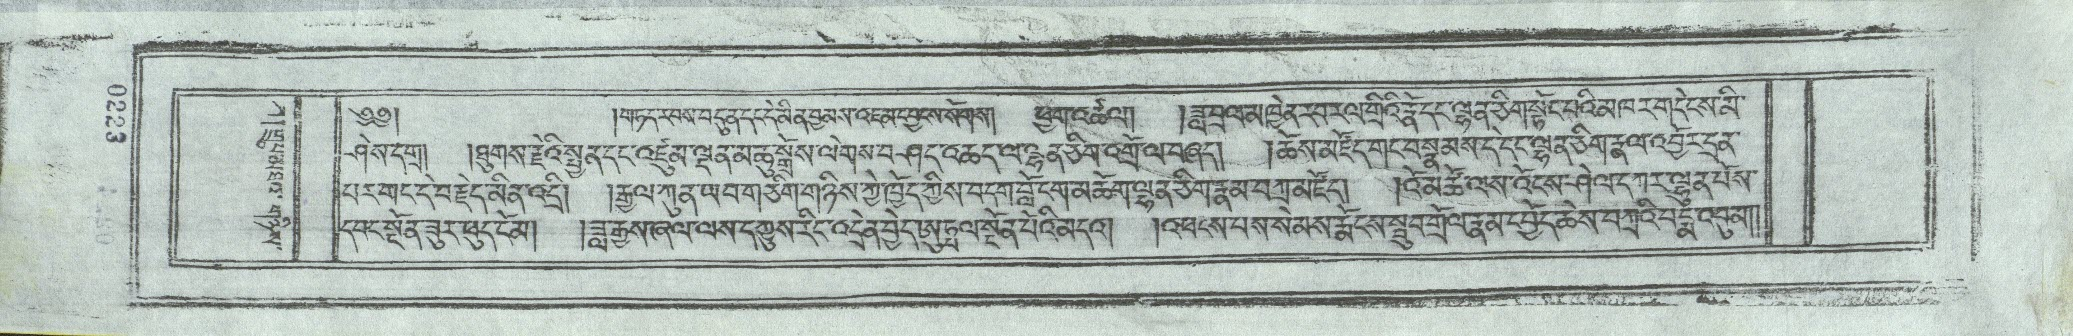༄༅། །གཏད་རབས་བདུན་དང་དེ་མིན་བྱམས་འཇམ་དབྱངས་སོགས། ཕྱག་འཚལ། །ཟླ་བྲལ་མཁྱེན་རབ་རལ་གྲིའི་རྣོ་དང་ལྷན་ཅིག་སྟོང་བའི་མཁར་གདེངས་མི་
ཤེས་དགྲ། །ཐུགས་རྗེའི་སྤྱན་དང་འཛུམ་ལྡན་མཆུ་སྒྲོས་ལེགས་བཤད་འཆད་ལ་ལྷན་ཅིག་འགྲོ་ལ་བཞད། །ཆོས་མཛོད་གང་བསྣམས་དེ་དང་ལྷན་ཅིག་རྣལ་འབྱོར་དྲན་
པར་གང་དེ་བརྗེད་མིན་འདྲི། །རྒྱལ་ཀུན་ཡབ་གཅིག་གཉིས་ཀྱེ་ཁྱོད་ཀྱིས་བདག་བློ་དག་མཆོག་ལྷན་ཅིག་རྣམ་བཀྲ་མཛོད། །འོ་མཚོ་ལས་འོངས་ཤེལ་དཀར་ལྷུན་པོས་
དབང་སྔོན་ཟུར་ཕུད་ངོམ། །ཟླ་རྒྱས་ཞལ་ལས་དཀྱུས་རིང་འདྲེན་བྱེད་ཨུཏྤལ་སྔོན་བོའི་མདའ། །འཕངས་པས་སེམས་རྨོངས་སྦུབ་གྲོལ་རྣམ་དབྱོད་ཆེས་བཀྲའི་པདམ་འབུམ། །